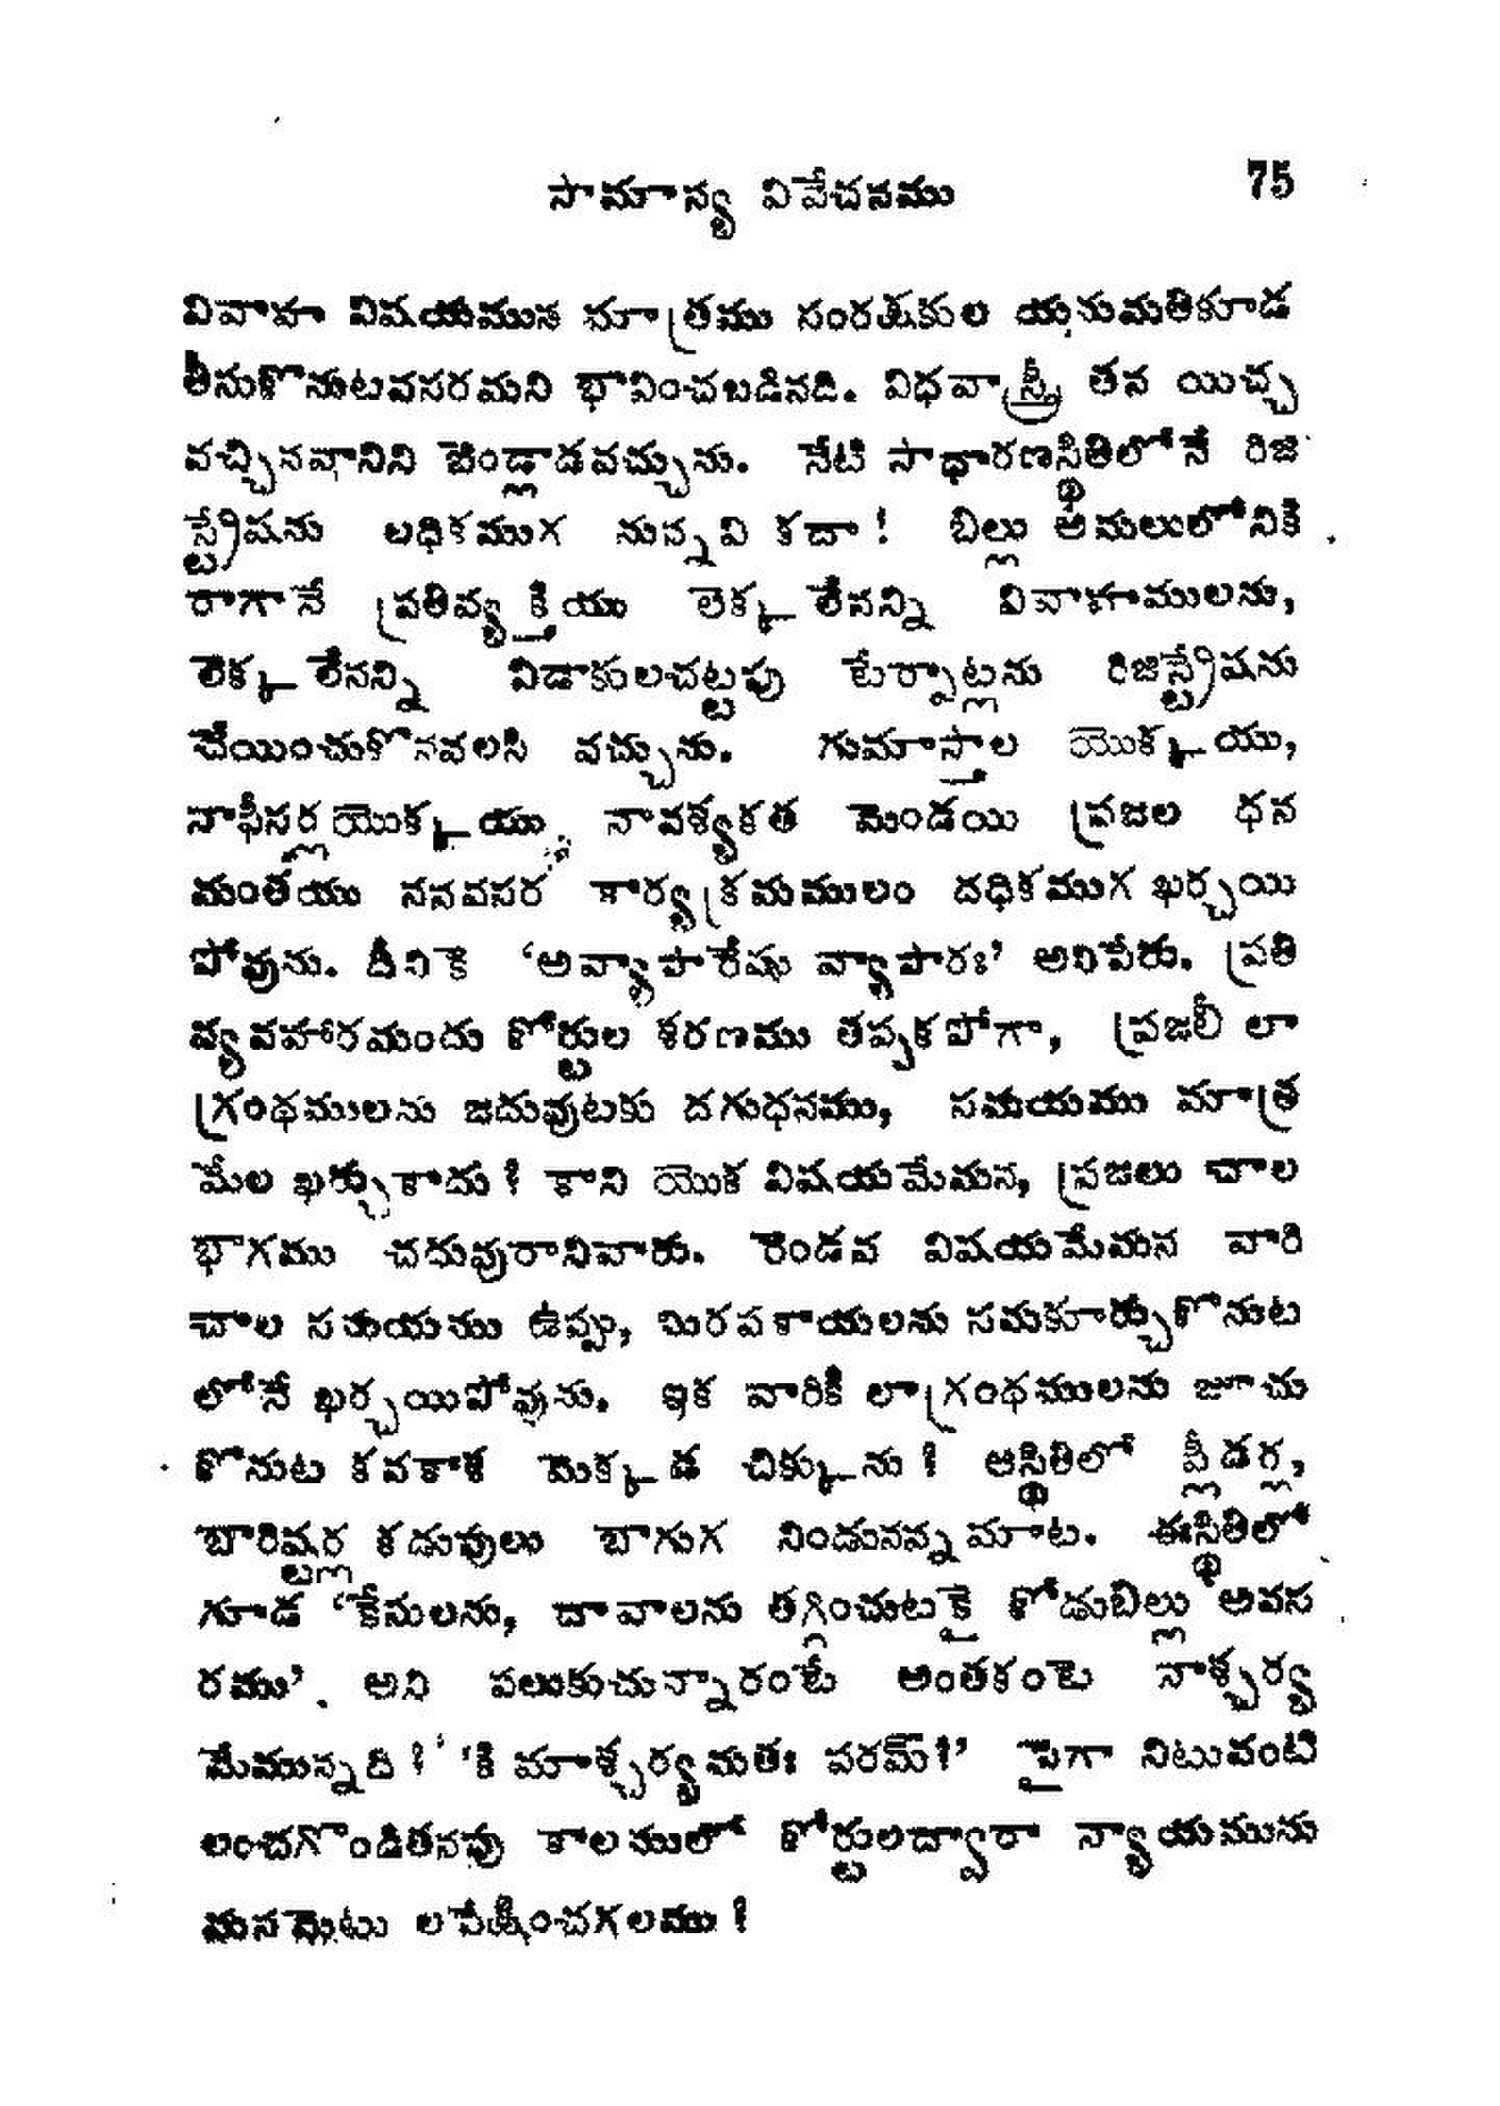వివాహ విషయమున మాత్రము సంరక్షకుల యనుమతి కూడ
తీసుకొనుటవసరమని భావించబడినది. విధవా స్త్రీ తన యిచ్చ
వచ్చినవానిని బెండ్లాడవచ్చును. నేటి సాధారణస్థితిలోనే రిజ
స్ట్రేషను లధికముగ నున్నవి కదా! బిల్లు అమలులోనికి .
రాగానే ప్రతివ్యక్తియా లెక్కలేనన్ని వివాహములను,
లెక్కలేనన్ని విడాకులచట్టపు టేర్పాట్లను రిజిస్ట్రేషను
చేయించుకొనవలసి వచ్చును. గుమాస్తాల యొక్కయు,
నాఫీసర్ల యొక్కయు. నావశ్యకత మెండయి ప్రజల ధన
మంతయు ననవవసర కార్యక్రమములం దధికముగ ఖర్చయి
పోవును. దీనికే 'అవ్యాపారేషు వ్యాపారః' అనిపేరు. ప్రతి
వ్యవహారమందు కోర్టుల శరణము తప్పకపోగా, ప్రజలీ
లా గ్రంథములను జదువుటకు దగుధనము, సమయము మాత్ర
మేల ఖర్చుకాదు ? కాని యొక విషయమేమన, ప్రజలు చాల
భాగము చదువురానివారు. రెండవ విషయమేమన వారి చాల 
సమయము ఉప్పు, మిరపకాయలను సమకూర్చుకొనుట
లోనే ఖర్చయిపోవును. ఇక వారికి లాగ్రంథములను జూచు
కొనుట కవకాశ మెక్కడ చిక్కును? ఆస్థితిలో ప్లీడర్ల, 
బారిష్టర్ల కడుపులు బాగుగ నిండునన్న మాట. ఈస్థితిలో
గూడ "కేసులను, దావాలను తగ్గించుటకై తోడుబిల్లు అవస
రము". అని పలుకుచున్నారంటే అంతకంటే నాశ్చర్య
మేమున్నది ? 'కి మాశ్చర్యమతః పరమ్' పైగా నిటువంటి
లంచగొండితనపు కాలములో కోర్టులద్వారా న్యాయమును 
మనమెటు లపేక్షించగలము ?